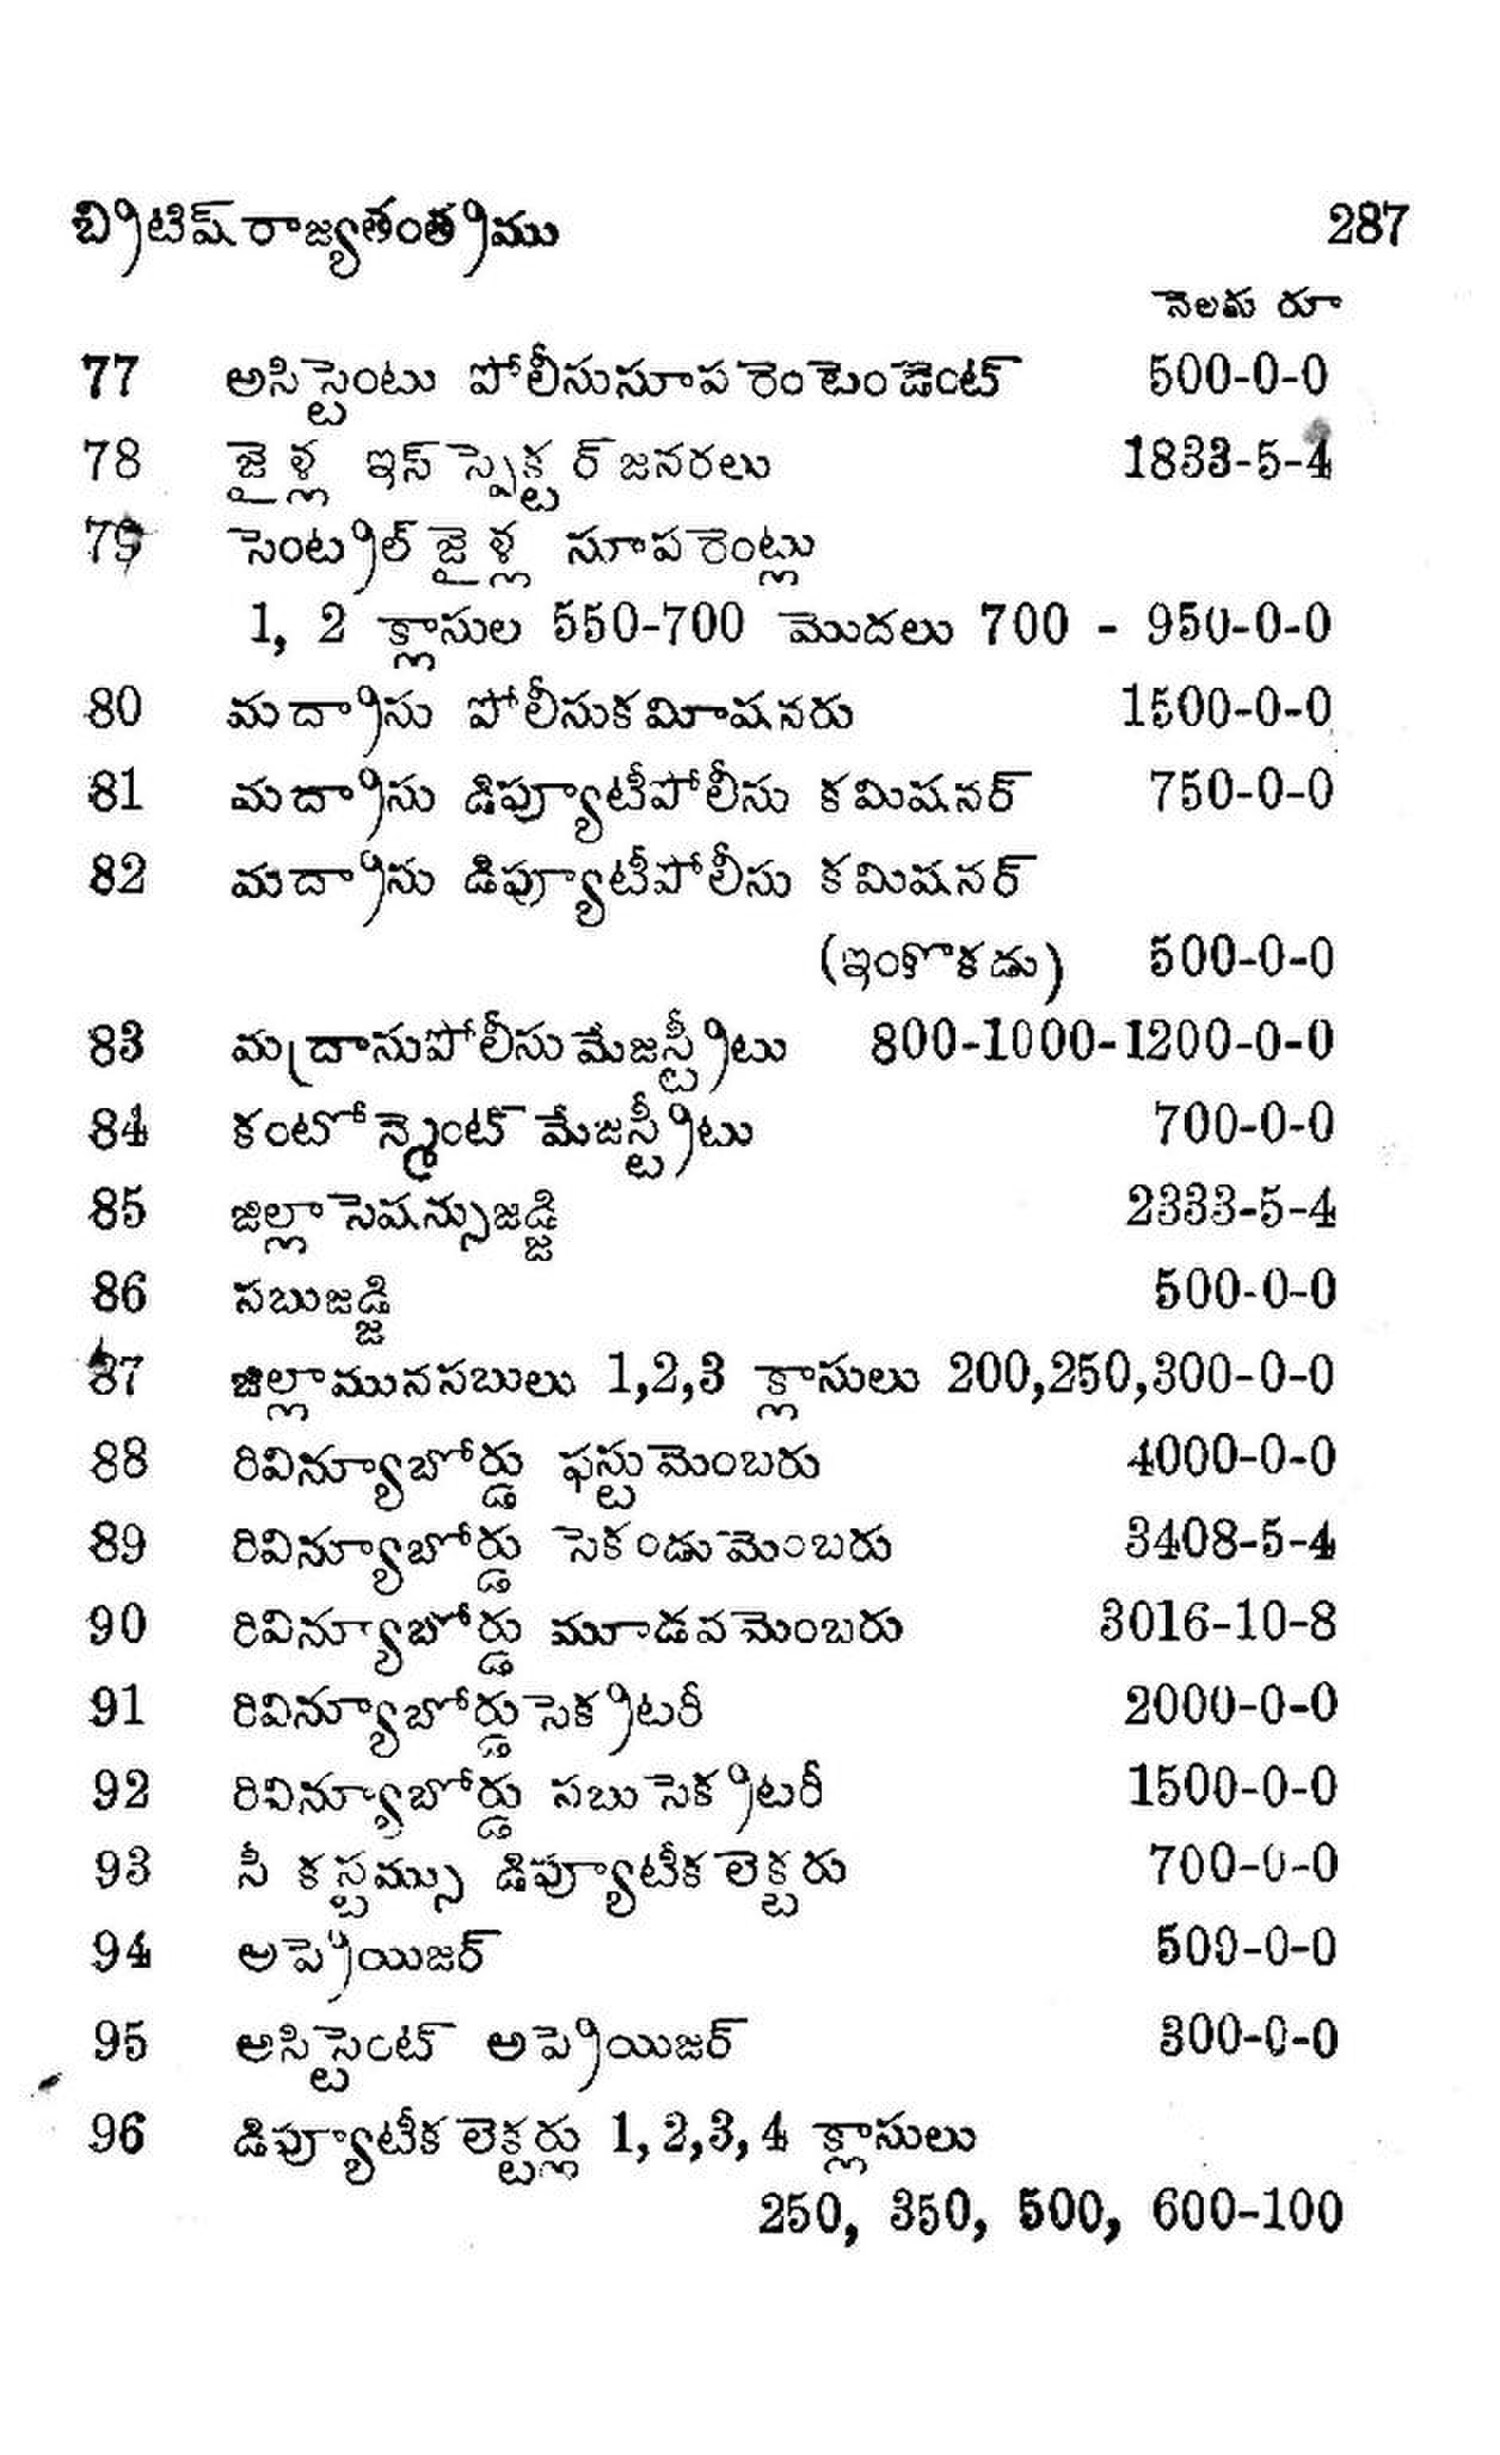77 అసిస్టెంటు పోలీసుసూపరెంటెండెంట్ నెలకు రూ 500-0-0 78 జైళ్ల ఇన్‌స్పెక్టర్‌జనరలు 1833-5-4 79 సెంట్రల్ జైళ్ల సూపరెంట్లు 1, 2 క్లాసుల 550-700 మొ 700 - 950-0-0 80 మద్రాసు పోలీసుకమీషనరు 1500-0-0 81 మద్రాసు డిప్యూటిపోలీసు కమీషనరు 750-0-0 82 మద్రాసు డిప్యూటీపోలీసు కమిషనర్ (ఇంకొకడు) 500-0-0 83 మద్రాసుపోలీసుమేజస్ట్రీటు 800 - 1000 - 1200-0-0 84 కంటోన్మెంట్ మేజస్ట్రీటు 700-0-0 85 జిల్లాసెషన్సుజడ్జి 2333-5-4 86 సబుజడ్జి 500-0-0 87 జిల్లామునసబులు 1, 2, 3 క్లాసులు 200, 250, 300-0-0 88 రివిన్యూబోర్డు ఫస్టుమెంబరు 4000-0-0 89 రివిన్యూబోర్డు సెకండుమెంబరు 3408-5-4 90 రివిన్యూబోర్డు మూడవమెంబరు 3016-10-8 91 రివిన్యూబోర్డుసెక్రటరీ 2000-0-0 92 రివిన్యూబోర్డు సబుసెక్రటరీ 1500-0-0 93 సీ కస్టమ్సు డిప్యూటికలెక్టరు 700-0-0 94 అప్రెయిజర్ 500-0-0 95 అసిస్టెంటు అప్రెయిజర్ 300-0-0 96 డిప్యూటీకలెక్టర్లు 1, 2, 3, 4 క్లాసులు 250, 350, 500, 600-1000